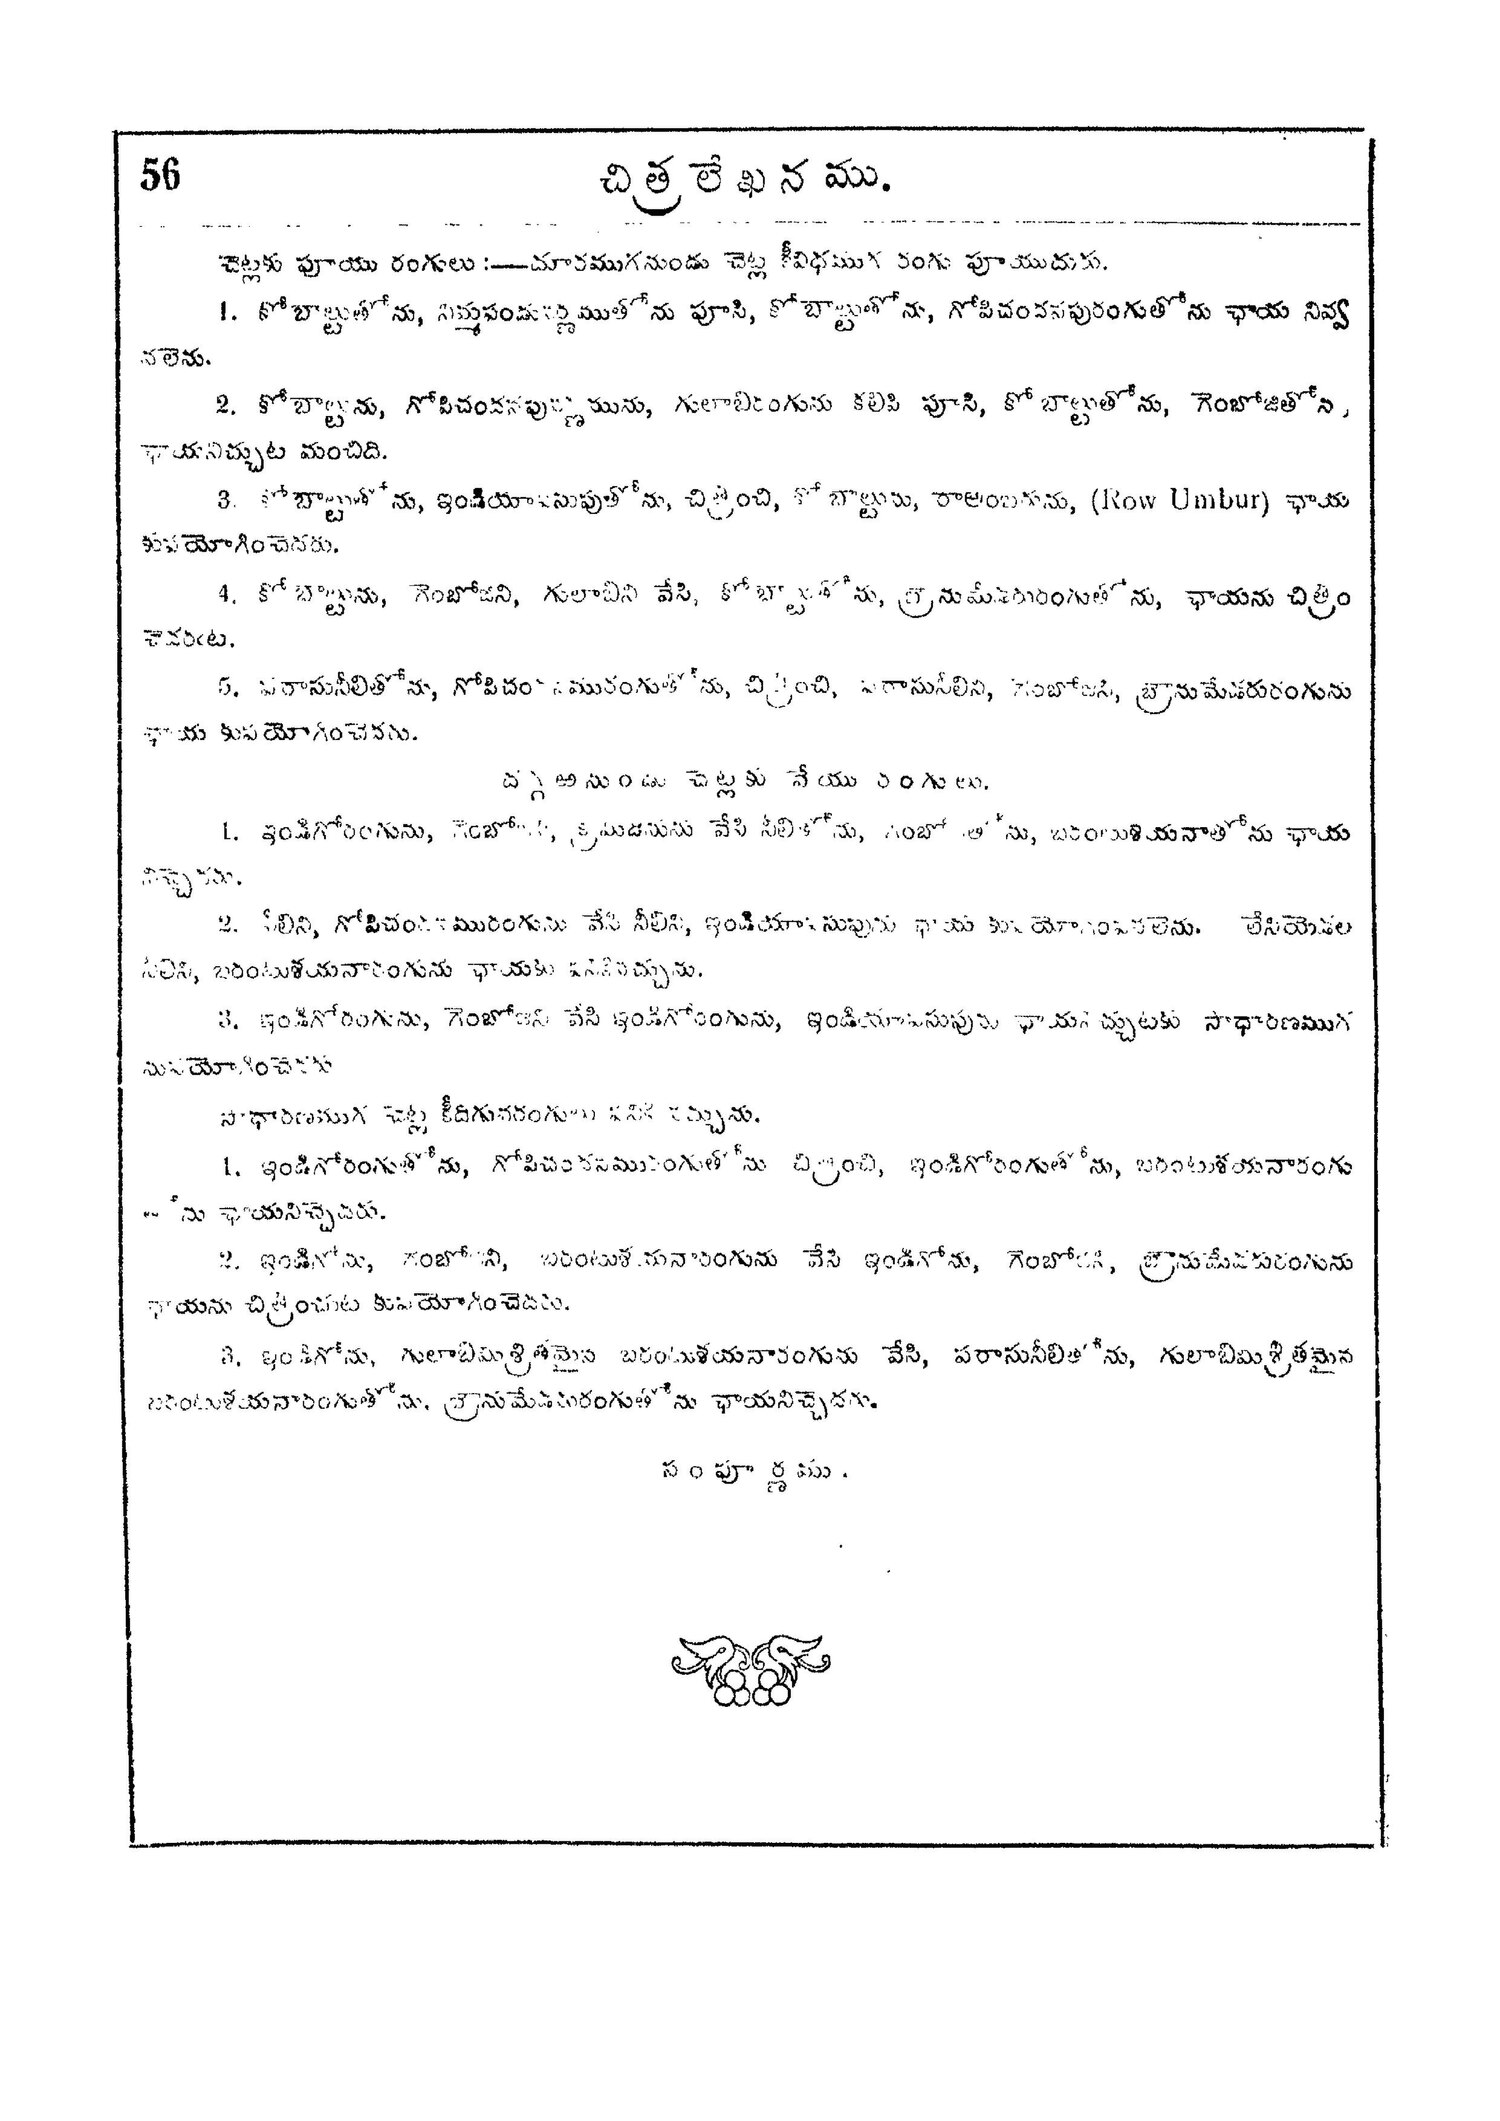చెట్లకు పూయు రంగులు :- దూరముగనుండు చెట్ల కీవిధముగ రంగు పూయుదురు.

1. కోబాల్టుతోను, నిమ్మపండువర్ణముతోను పూసి, కోబాల్టుతోను, గోపిచందనపురంగుతోను ఛాయ నివ్వవలెను.

2. కోబాల్టును, గోపిచందనపువర్ణమును, గులాబిరంగును కలిపి పూసి, కోబాల్టుతోను, గెంబోజితోను, ఛాయనిచ్చుట మంచిది.

3. కోబాల్టుతోను,ఇండియాపసుపుతోను, చిత్రించి, కోబాల్టును, రాఅంబరును, (Raw Umber) ఛాయ కుపయోగించెదరు.

4. కోబాల్టును, గెంబోజిని, గులాబిని వేసి, కోబాల్టుతోను, బ్రౌనుమేడరురంగుతోను, ఛాయను చిత్రించెదరట.

5. పరాసునీలితోను, గోపిచందనమురంగుతోను, చిత్రించి, పరాసునీలిని, గెంబోజని, బ్రౌనుమేడరురంగును ఛాయ కుపయోగించెదరు.

1. ఇండిగోరంగును, గెంబోజిని, క్రిమిజనును వేసి నీలితోను, గెంబోజితోను, బరంటుశియనాతోను ఛాయ నిచ్చెదరు.

2. నీలిని, గోపిచందనమురంగును వేసి నీలిని, ఇండియాపసుపును ఛాయకుపయోగింపవలెను. లేనియెడల నీలిని, బరంటుశయనారంగును ఛాయకు పనికివచ్చును.

3. ఇండిగోరంగును, గెంబోజిని వేసి ఇండిగోరంగును, ఇండియాపసుపును ఛాయనిచ్చుటకు సాధారణముగ నుపయోగించెదరు.

1. ఇండిగోరంగుతోను, గోపిచందనమురంగుతోను చిత్రించి, ఇండిగోరంగుతోను, బరంటుశయనారంగుతోను ఛాయనిచ్చెదరు.

2. ఇండిగోను, గెంబోజిని, బరంటుశయనారంగును వేసి ఇండిగోను, గెంబోజిని, బ్రౌనుమేడరురంగును ఛాయను చిత్రించుట కుపయోగించెదరు.

3. ఇండిగోను, గులాబిమిశ్రితమైన బరంటుశయానారంగును వేసి, పరాసునీలితోను, గులాబిమిశ్రితమైన బరంటుశయనారంగుతోను, బ్రౌనుమేడరురంగుతోను ఛాయనిచ్చెదరు.